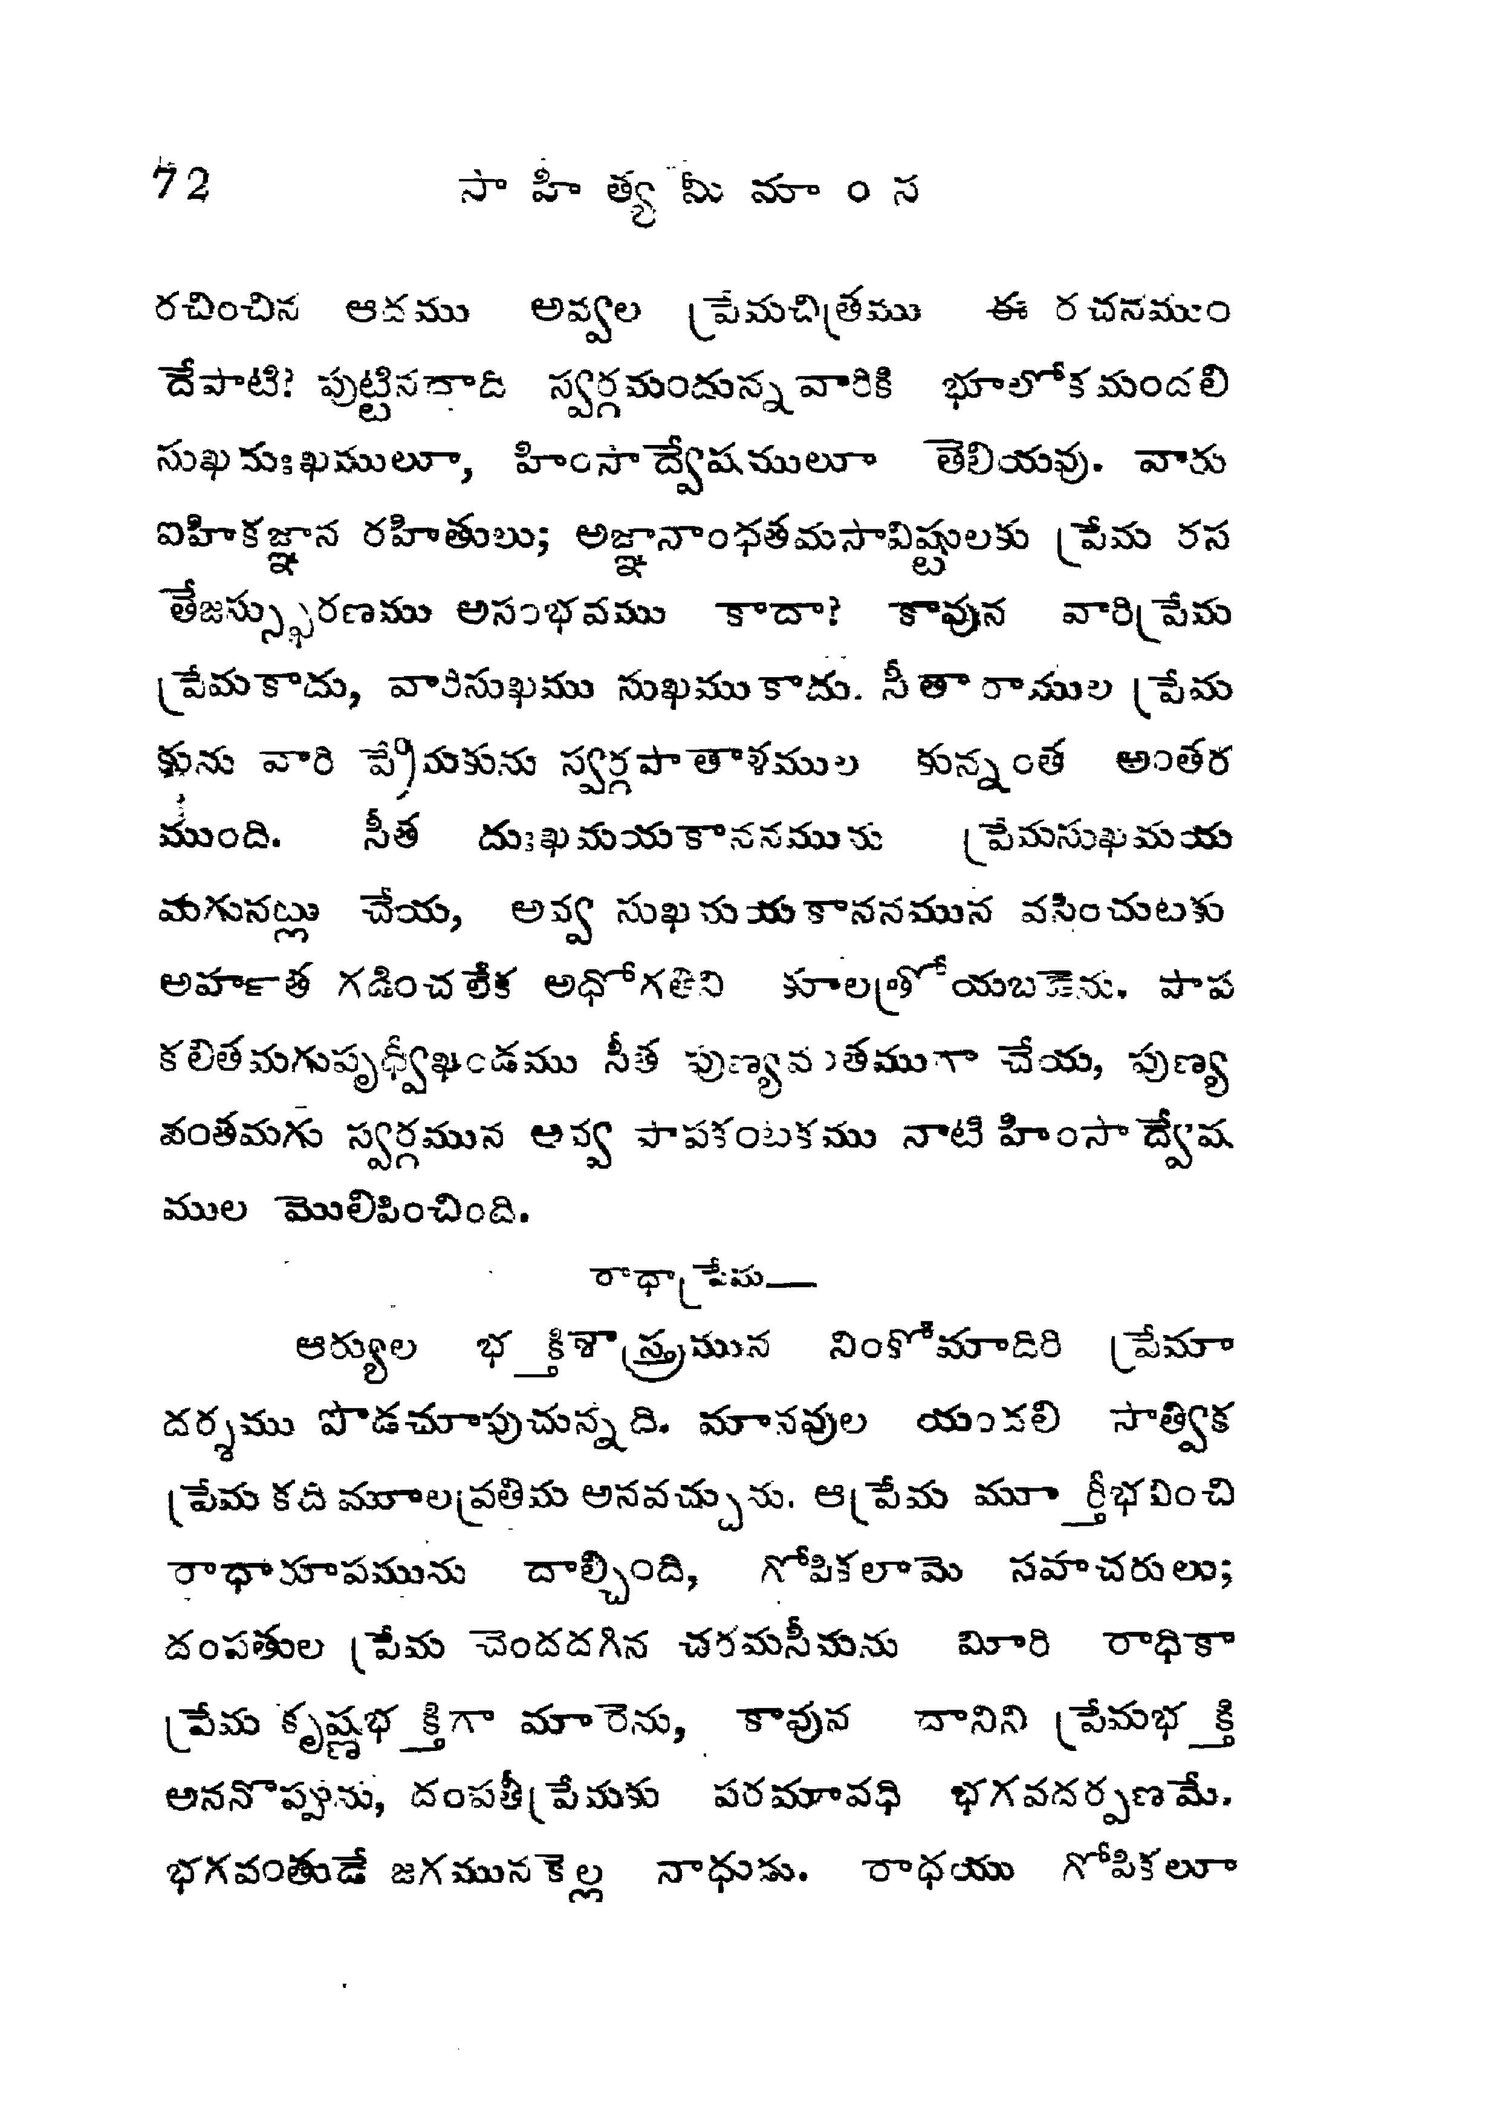రచించిన ఆదము అవ్వల ప్రేమచిత్రము ఈ రచనముం దేపాటి? పుట్టినదాది స్వర్గమందున్నవారికి భూలోకమందలి సుఖదు;ఖములూ, హింసాద్వేషములూ తెలియవు. వారు ఐహికజ్ఞాన రహితులు; అజ్ఞానాంధమసావిష్టులకు ప్రేమ రస తేజస్స్ఫురణము అసంభవము కాదా? కావున వారిప్రేమ ప్రేమకాదు, వారిసుఖము సుఖముకాదు. సీతారాముల ప్రేమకును వారి ప్రేమకును స్వర్గపాతాళముల కున్నంత అంతరముంది. సీత దు;ఖమయకాననమును ప్రేమసుఖమయ మగునట్లు చేయ, అవ్వ సుఖమయకాననమును వసించుటకు అహన్‌త గడించలేక అధోగతిని కూలత్రోయబడెను. పాపకలితమగు పృధ్వీఖండము సీత పుణ్యవంతమగా చేయ, పుణ్యవంతమగు స్వర్గమున అవ్వ పాపకంటకము నాటి హింసాద్వేషముల మొలిపించింది.

ఆర్యుల భక్తిశాస్త్రమున నింకోమాదిరి ప్రేమా దర్శము పొడచూపుచున్నది. మానవుల యందలి సాత్విక ప్రేమకది మూలప్రతిమ అనవచ్చును. ఆప్రేమ మూర్తీభవించి రాధారూపమును దాల్చింది, గోపికలామె సహచరులు; దంపతుల ప్రేమ చెందదగిన చరమసీమను మీరి రాధికాప్రేమ కృష్ణభక్తిగా మారెను, కావున దానిని ప్రేమభక్తి అననొప్పును, దంపతీప్రేమకు పరమావధి భగవదర్పణమే. భగవంతుడే జగమునకెల్ల నాధుడు. రాధయు గోపికలూ